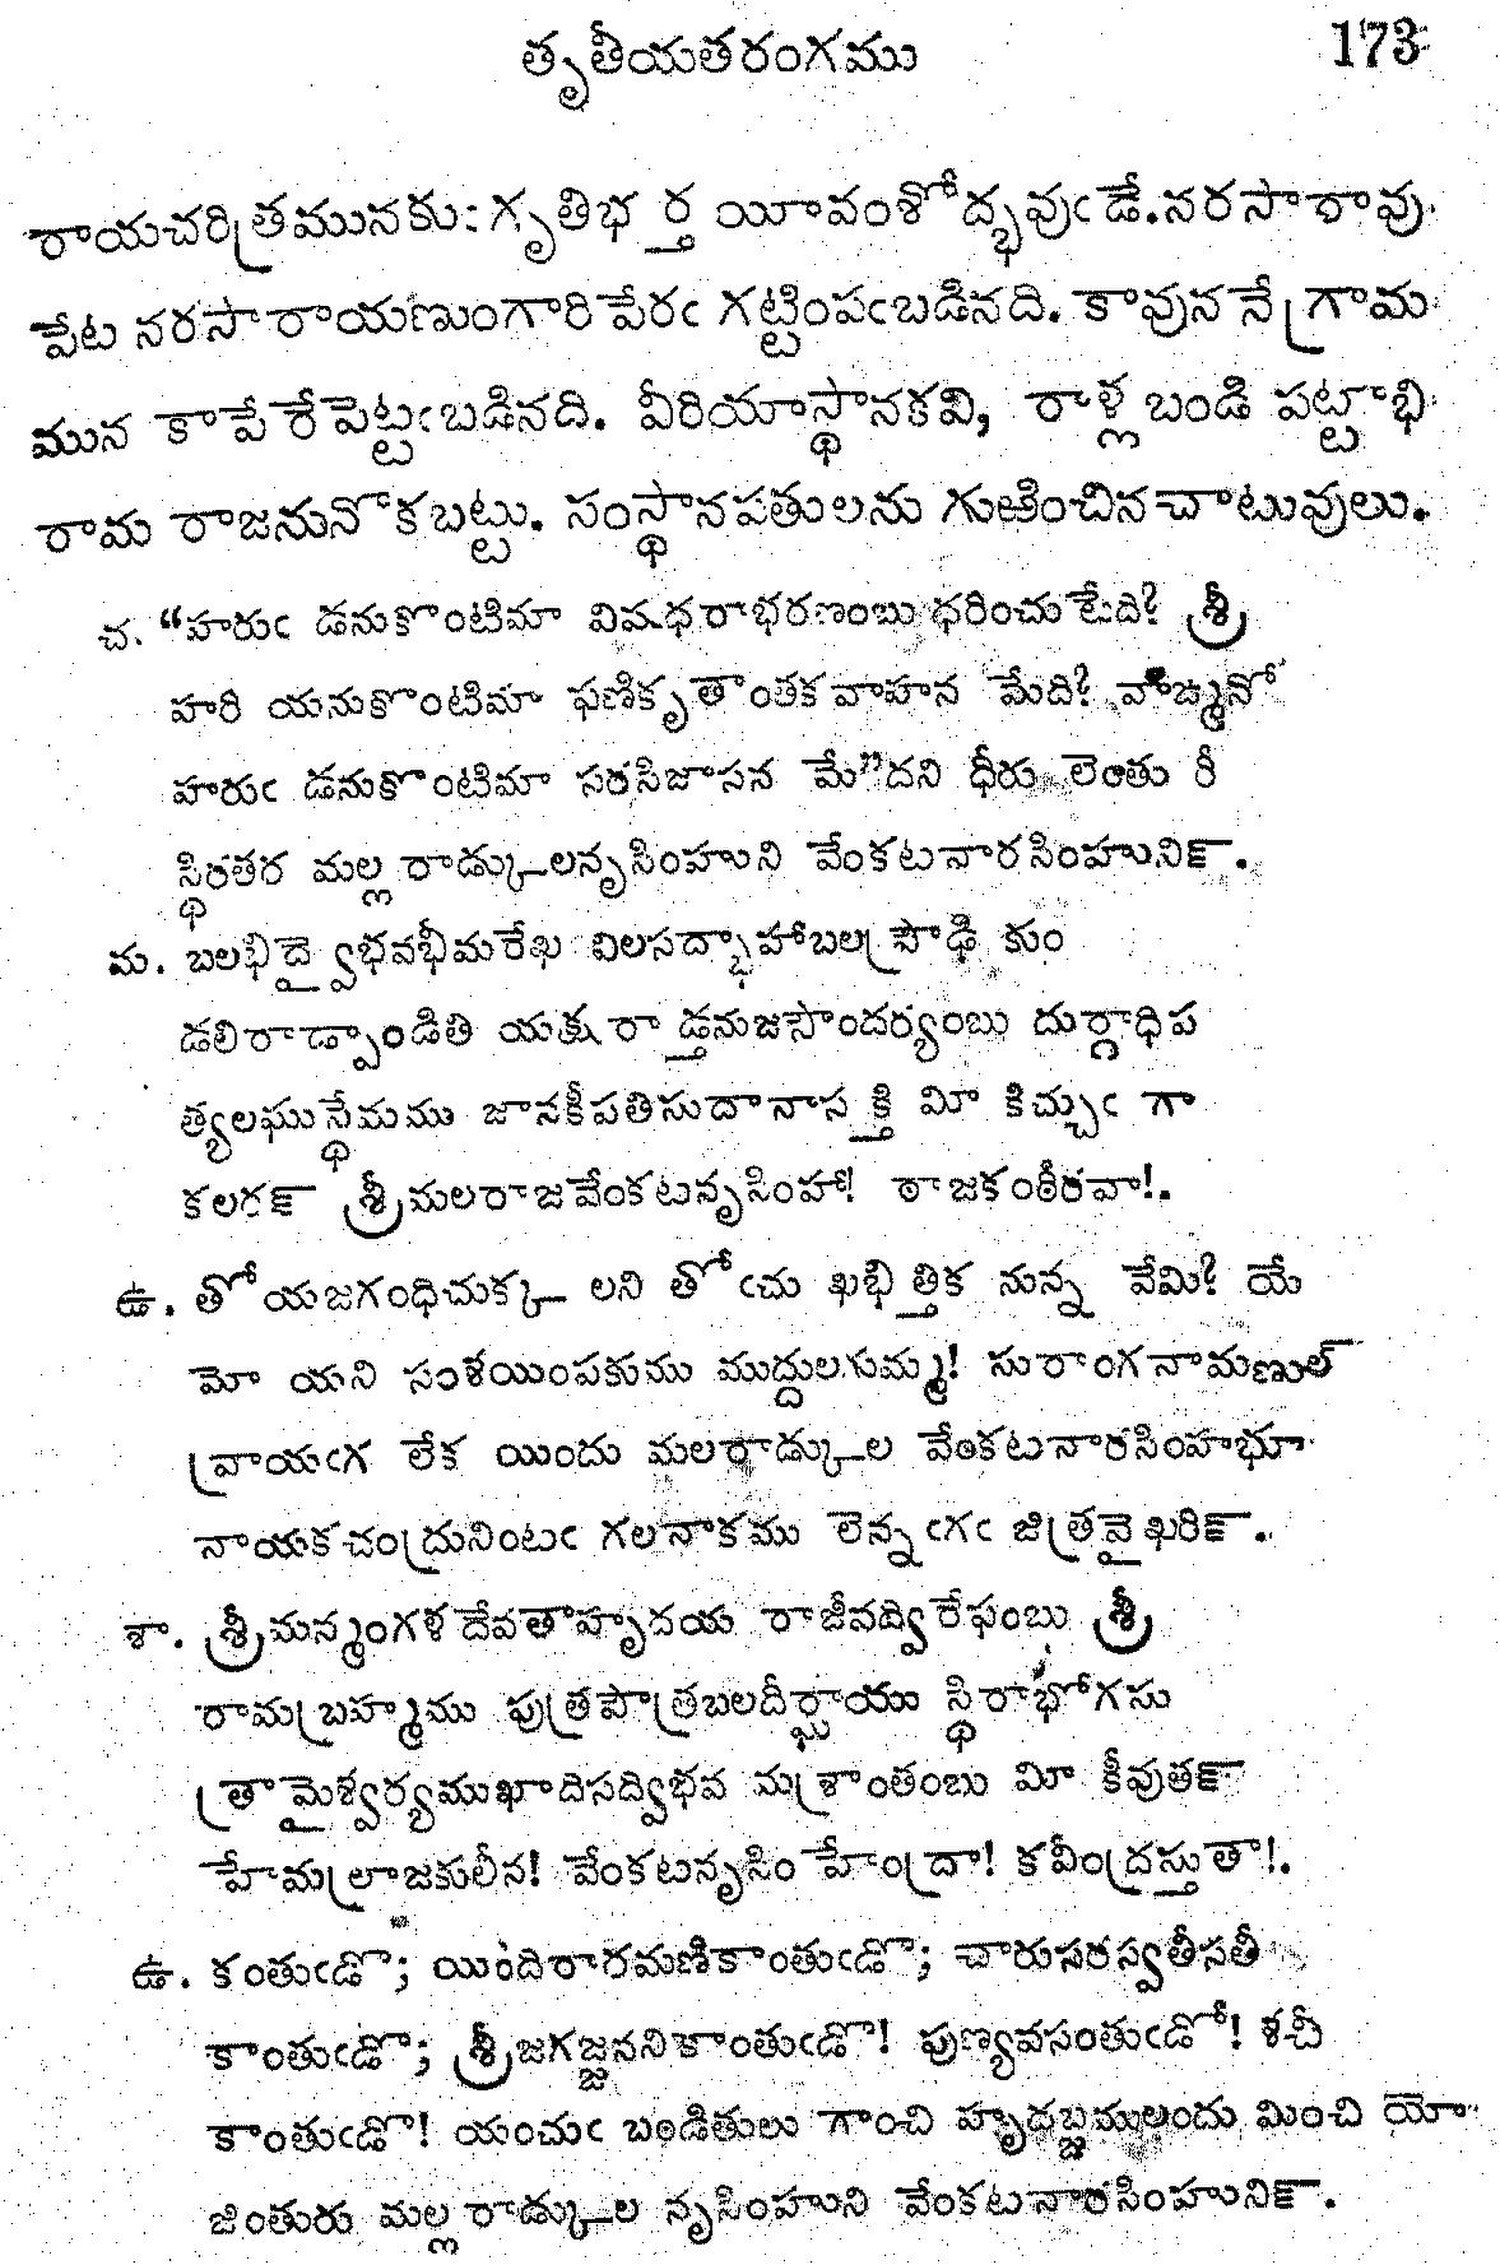రాయచరిత్రమునకుఁ గృతిభర్త యీవంశోద్భవుఁడే. నరసారావుపేట నరసారాయణుంగారిపేరఁ గట్టింపఁబడినది. కావుననే గ్రామమున కాపేరే పెట్టఁబడినది. వీరియాస్థానకవి రాళ్ళపల్లి పట్టాభిరామరాజను నొకబట్టు. సంస్థానాధిపతులనుగుఱించిన చాటువులు—

చ. “హరుఁ డనుకొంటిమా విషధరాభరణంబు ధరించుటేది? శ్రీ
 హరి యనుకొంటిమా ఫణికృతాంతకవాహన మేది? వాఙ్మనో
 హరుఁ డనుకొంటిమా సరసిజాసన మే”దని ధీరు లెంతు రీ
 స్థిరతర మల్లరాడ్కులనృసింహుని వేంకటవారసింహునిన్.

మ. బలభిద్వైభవభీమరేఖ విలసద్భాహాబలప్రౌఢి కుం
 డలిరాడ్పాండితి యక్షరాడ్తనుజసౌందర్యంబు దుర్గాధిప
 త్యలఘుస్థేమము జానకీపతిసుదానాసక్తి మీ కిచ్చుఁ గా
 కలరన్ శ్రీమలరాజవేంకటనృసింహా! రాజకంఠీరవా!

ఉ. తోయజగంధిచుక్క లని తోఁచు ఖభిత్తిక నున్న వేమి? యే
 మో యని సంశయింపకుము ముద్దులగుమ్మ! సురాంగనామణుల్
 వ్రాయఁగ లేక యిందు మలరాడ్కులవేంకటనారసింహభూ
 నాయకచంద్రునింటఁ గలనాకము లెన్నఁగఁ జిత్రవైఖరిన్.

శా. శ్రీమన్మంగళదేవతాహృదయరాజీవద్విరేఫంబు శ్రీ
 రామబ్రహ్మము పుత్రపౌత్రబలదీర్ఘాయుస్థిరాభోగసు
 త్రామైశ్వర్యముఖాదిసద్విభవ మశ్రాంతంబు మీ కీవుతన్
 హేమల్రాజకులీన! వేంకటనృసింహేంద్రా! కవీంద్రస్తుతా!

ఉ. కంతుఁడొ! యిందిరారమణికాంతుఁడొ! చారుసరస్వతీసతీ
 కాంతుఁడొ! శ్రీజగజ్జననికాంతుఁడొ! పుణ్యవసంతుఁడో! శచీ
 కాంతుఁడొ! యంచుఁ బండితులు గాంచి హృదబ్జములందు మించి యో
 జింతురు మల్లరాడ్కులనృసింహుని వేంకటనారసింహునిన్.